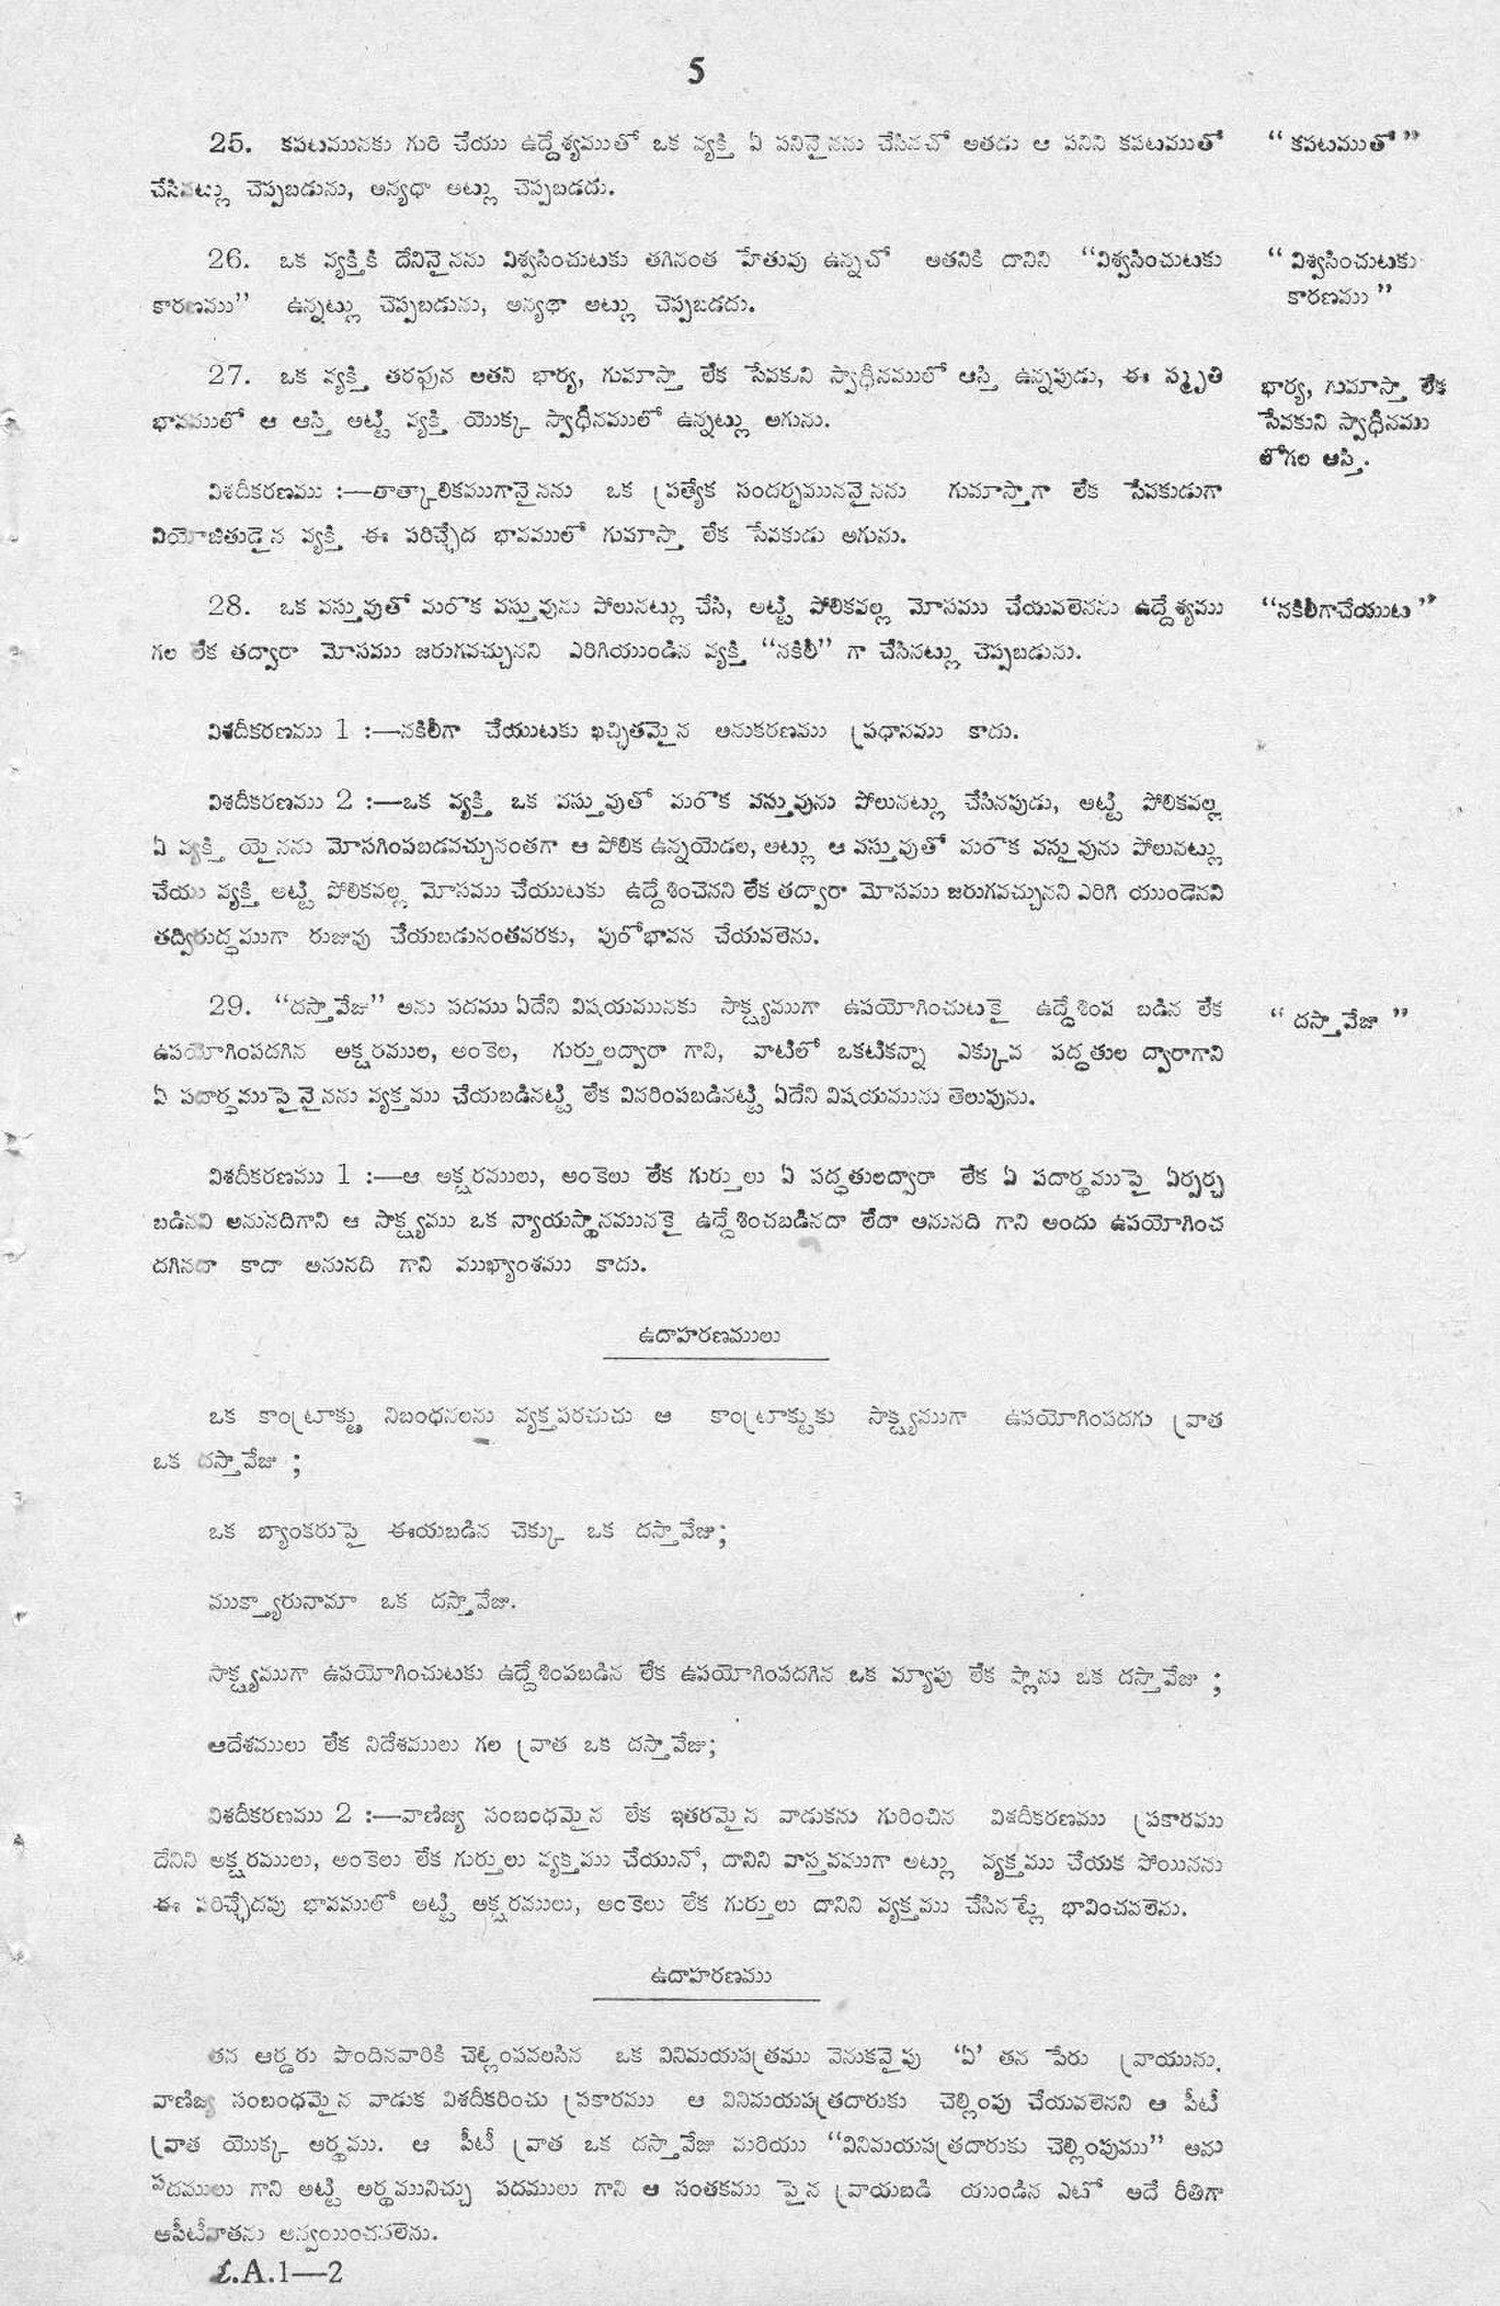“ కపటముతో
25. కపటమునకు గురి చేయు ఉద్దేశ్యముతో ఒక వ్యక్తి ఏ పనినైనను చేసినచో అతడు ఆ పనిని కపటముతో చేసినట్లు చెప్పబడును, అన్యధా అట్లు చెప్పబడదు.

"విశ్వసించుటకు కారణము"

26. ఒక వ్యక్తికి దేనినైనను విశ్వసించుటకు తగినంత హేతువు ఉన్నచో అతనికి దానిని “విశ్వసించుటకు కారణము" ఉన్నట్లు చెప్పబడును, అన్యథా అట్లు చెప్పబడదు.

భార్య, గుమాస్తా లేక సేవకుని స్వాధీనము లోగల ఆస్తి.

27. ఒక వ్యక్తి తరఫున అతని భార్య, గుమాస్తా లేక సేవకుని స్వాధీనములో ఆస్తి ఉన్నపుడు, ఈ స్మృతి భావములో ఆ ఆస్తి అట్టి వ్యక్తి యొక్క స్వాధీనములో ఉన్నట్లు అగును.

విశదీకరణము :- తాత్కాలికముగానైనను ఒక ప్రత్యేక సందర్భముననైనను గుమాస్తాగా లేక సేవకుడుగా నియోజితుడైన వ్యక్తి ఈ పరిచ్ఛేద భావములో గుమాస్తా లేక సేవకుడు అగును.

"నకిలీగాచేయుట "

28. ఒక వస్తువుతో మరొక వస్తువును పోలునట్లు చేసి, అట్టి పోలికవల్ల మోసము చేయవలెనను ఉద్దేశ్యము గల లేక తద్వారా మోసము జరుగవచ్చునని ఎరిగియుండిన వ్యక్తి “నకిలీ" గా చేసినట్లు చెప్పబడును.

విశదీకరణము 1 :-నకిలీగా చేయుటకు ఖచ్చితమైన అనుకరణము ప్రధానము కాదు.

విశదీకరణము 2 :-ఒక వ్యక్తి ఒక వస్తువుతో మరొక వస్తువును పోలునట్లు చేసినపుడు, అట్టి పోలికవల్ల ఏ వ్యక్తి యైనను మోసగింపబడవచ్చునంతగా ఆ పోలిక ఉన్నయెడల, అట్లు ఆ వస్తువుతో మరొక వస్తువును పోలునట్లు చేయు వ్యక్తి అట్టి పోలికవల్ల మోసము చేయుటకు ఉద్దేశించెనని లేక తద్వారా మోసము జరుగవచ్చునని ఎరిగి యుండెనని తద్విరుద్ధముగా రుజువు చేయబడునంతవరకు, పురోభావన చేయవలెను.

"దస్తావేజు"

29. “దస్తావేజు" అను పదము ఏదేని విషయమునకు సాక్ష్యముగా ఉపయోగించుటకై ఉద్దేశింప బడిన లేక ఉపయోగింపదగిన అక్షరముల, అంకెల, గుర్తులద్వారా గాని, వాటిలో ఒకటికన్నా ఎక్కువ పద్ధతుల ద్వారాగాని
ఏ పదారము పై నైనను వ్యక్తము చేయబడినట్టి లేక వివరింపబడినట్టి ఏదేని విషయమును తెలుపును.

విశదీకరణము 1 :—ఆ అక్షరములు, అంకెలు లేక గుర్తులు ఏ పద్ధతుల ద్వారా లేక ఏ పదార్థము పై ఏర్పర్చబడినని అనునదిగాని ఆ సాక్ష్యము ఒక న్యాయస్థానమునకై ఉద్దేశించబడినదా లేదా అనునది గాని అందు ఉపయోగించదగినదా కాదా అనునది గాని ముఖ్యాంశము కాదు.

ఒక కాంట్రాక్టు నిబంధనలను వ్యక్త పరచుచు ఆ కాంట్రాక్టుకు సాక్ష్యముగా ఉపయోగింపదగు వ్రాత ఒక దస్తావేజు ;

ఒక బ్యాంకరు పై ఈయబడిన చెక్కు ఒక దస్తావేజు;

ముక్త్యారునామా ఒక దస్తావేజు.

సాక్ష్యముగా ఉపయోగించుటకు ఉద్దేశింపబడిన లేక ఉపయోగింపదగిన ఒక మ్యాపు లేక ప్లాను ఒక దస్తావేజు ;

ఆదేశములు లేక నిదేశములు గల వ్రాత ఒక దస్తావేజు ;

విశదీకరణము 2 :-వాణిజ్య సంబంధమైన లేక ఇతరమైన వాడుకను గురించిన విశదీకరణము ప్రకారము దేనిని అక్షరములు, అంకెలు లేక గుర్తులు వ్యక్తము చేయునో, దానిని వాస్తవముగా అట్లు వ్యక్తము చేయక పోయినను
ఈ పరిచ్ఛేదపు భాగములో అట్టి అక్షరములు, అంకెలు లేక గుర్తులు దానిని వ్యక్తము చేసినట్లే భావించవలెను.

తన ఆర్డరు పొందినవారికి చెల్లింపవలసిన ఒక వినిమయపత్రము వెనుకవైపు “ఏ' తన పేరు వ్రాయును. వాణిజ్య సంబంధమైన వాడుక విశదీకరించు ప్రకారము ఆ వినిమయపత్రదారుకు చెల్లింపు చేయవలెనని ఆ పీటీ వ్రాత యొక్క అర్థము. ఆ పీటీ వ్రాత ఒక దస్తావేజు మరియు “వినిమయపత్రదారుకు చెల్లింపుము" అను పదములు గాని అట్టి అర్థమునిచ్చు పదములు గాని ఆ సంతకము పైన వ్రాయబడి యుండిన ఎటో అదే రీతిగా ఆపీటీవ్రాతను అన్వయించవలెను.